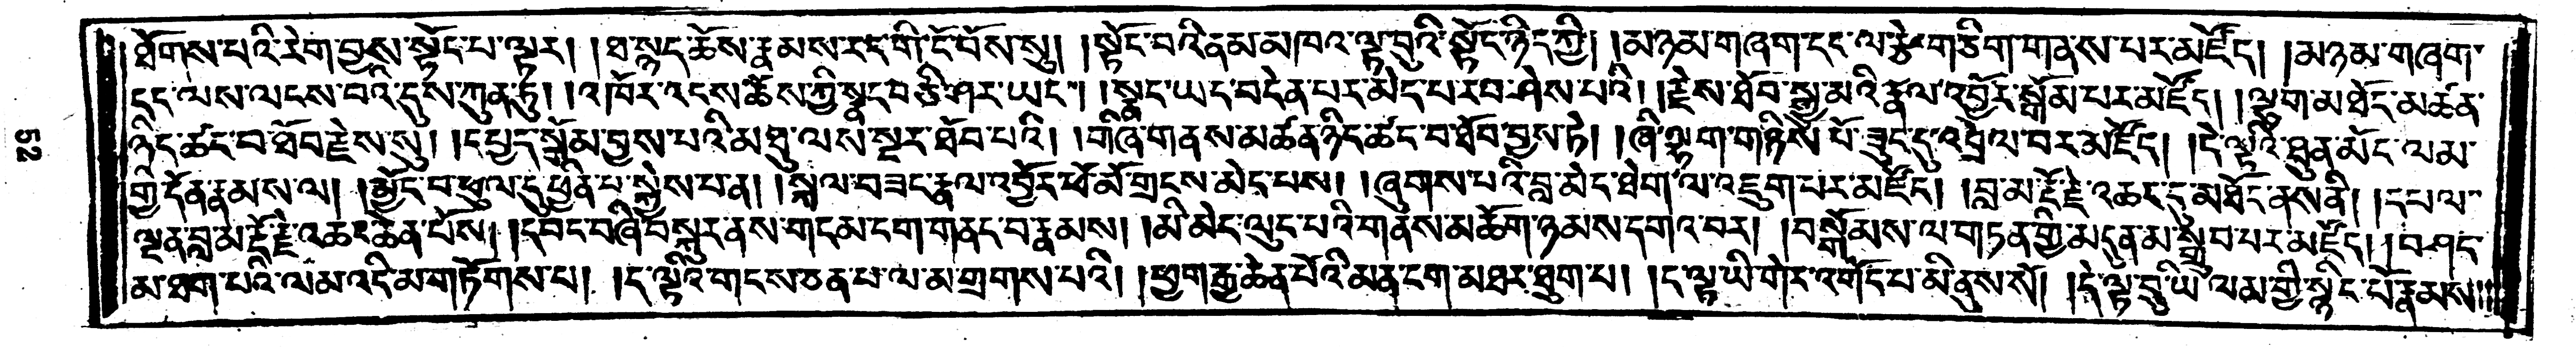ཐོགས་པའི་རེག་བྱས་སྟོང་པ་ལྟར། །ཐ་སྙད་ཆོས་རྣམས་རང་གི་ངོ་བོས་སུ། །སྟོང་བའི་ནམ་མཁའ་ལྟ་བུའི་སྟོང་ཉིད་ཀྱི། །མཉམ་གཞག་དང་ལ་རྩེ་གཅིག་གནས་པར་མཛོད། །མཉམ་གཞག་
དང་ལས་ལངས་བའི་དུས་ཀུན་ཏུ། །འཁོར་འདས་ཆོས་ཀྱི་སྣང་བ་ཅི་ཤར་ཡང་། །སྣང་ཡང་བདེན་པར་མེད་པ་རབ་ཤེས་པའི། །རྗེས་ཐོབ་སྐྱ་མའི་རྣལ་འབྱོར་སྒོམ་པར་མཛོད། །ལྷག་མཐོད་མཚན་
ཉིད་ཚང་བ་ཐོབ་རྗེས་སུ། །དཔྱད་སྒོམ་བྱས་པའི་མཐུ་ལས་སྔར་ཐོབ་པའི། །གཞི་གནས་མཚན་ཉིད་ཚང་བ་ཐོབ་བྱས་ཏེ། །ཞི་ལྷག་གཉིས་པོ་ཟུང་དུ་འབྲེལ་བར་མཛོད། །དེ་ལྟའི་ཐུན་མོང་ལམ་
གྱི་དོན་རྣམས་ལ། །མྱོང་བ་ཕུལ་དུ་ཕྱིན་པ་སྐྱེས་པ་ན། །སྐལ་བཟང་རྣལ་འབྱོར་ཕོ་མོ་གྲངས་མེད་པས། །ཞུགས་པའི་བླ་མེད་ཐེག་ལ་འཇུག་པར་མཛོད། །བླ་མ་རྡོ་རྗེ་འཆང་དུ་མཐོད་ནས་ནི། །དཔལ་
ལྡན་བླ་མ་རྡོ་རྗེ་འཆང་ཆེན་པོས། །དབང་བཞི་བསྐུར་ནས་གདམ་ངག་གནང་བ་རྣམས། །མི་མེད་ལུང་པའི་གནས་མཆོག་ཉམས་དགའ་བར། །བསྒོམས་ལ་གཏན་གྱི་མདུན་མ་སྒྲུབ་པར་མཛོད། །བཤད་
མ་ཐག་པའི་ལམ་འདི་མ་གཏོགས་པ། །ད་ལྟའི་གངས་ཅན་པ་ལ་མ་གྲགས་པའི། །ཕྱག་རྒྱ་ཆེན་པོའི་མན་ངག་མཐར་ཐུག་པ། །ད་ལྟ་ཡི་གེར་འགོང་པ་མི་ནུས་སོ། །དེ་ལྟ་བུ་ཡི་ལམ་གྱི་སྙིང་པོ་རྣམས།།